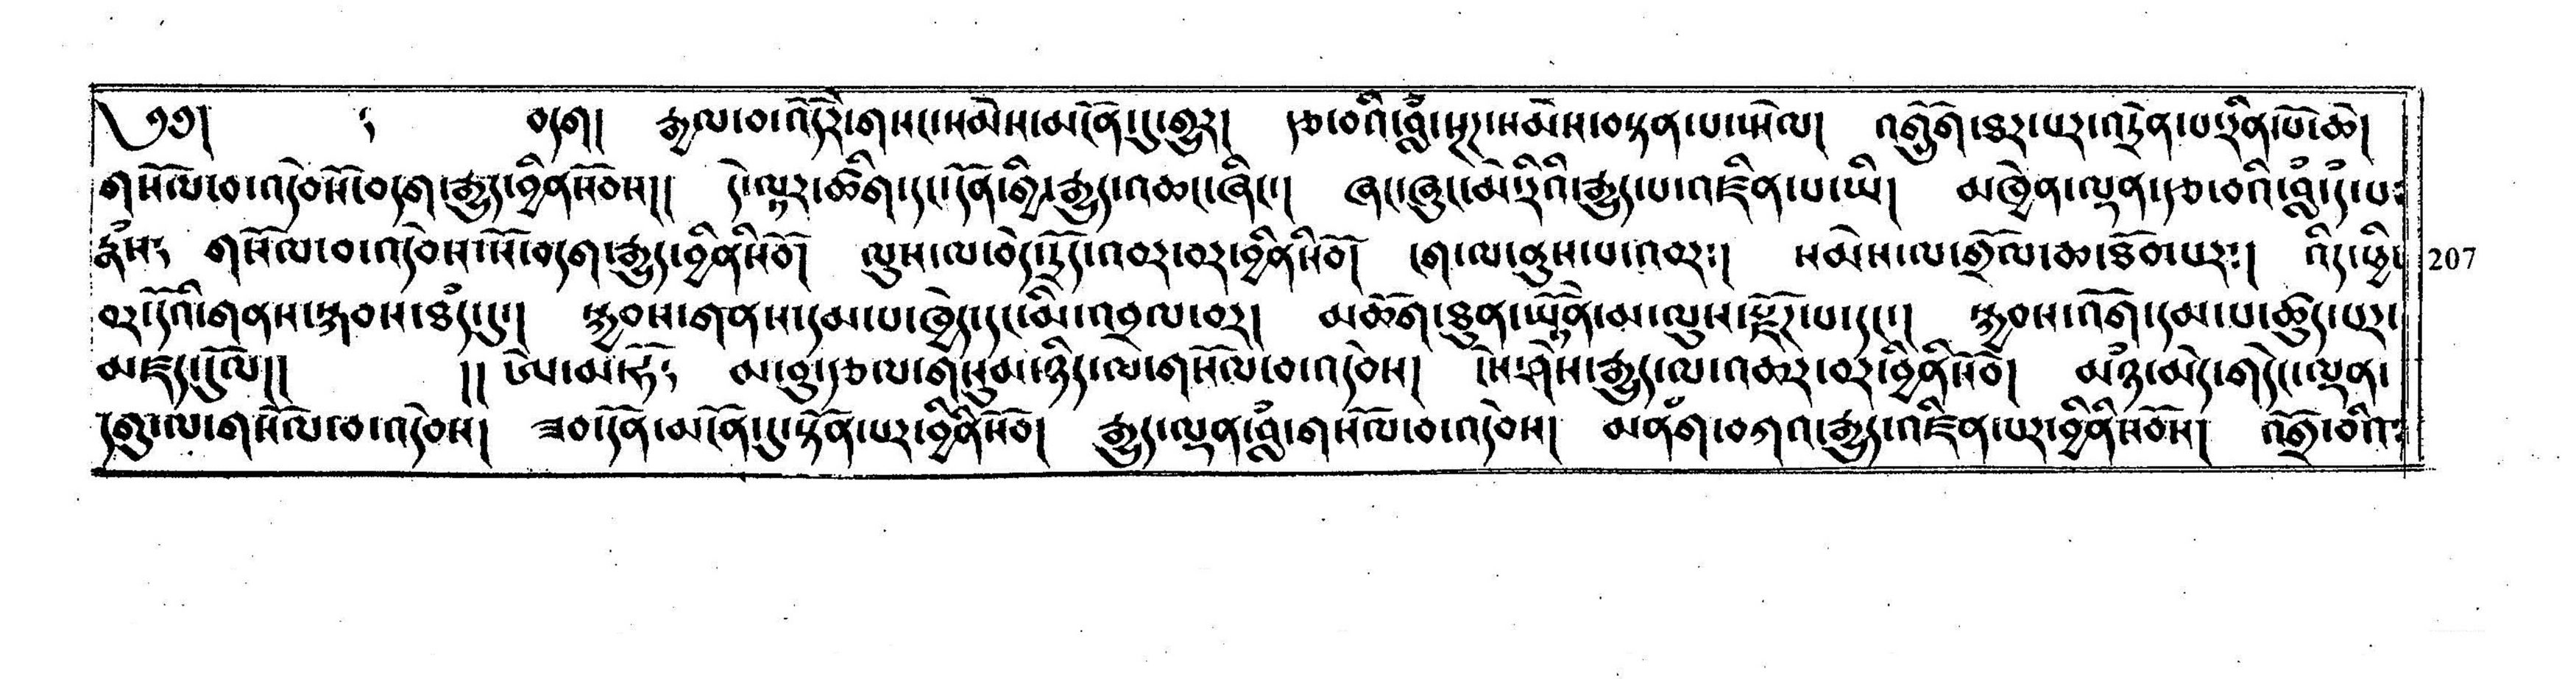བདག། རྒྱལ་བ་འོད་ཟེར་གསང་སེམས་མངོན་དུ་གྱུར། རྩ་བའི་བླ་མ་སྔགས་སེམས་བསྟན་པ་སྤེལ། འགྲོ་དྲུག་ཐར་པར་འདྲེན་པ་རིན་པོ་ཆེ། 
གསོལ་བ་འདེབས་སོ་བདག་རྒྱུད་བྱིན་གྱིས་རློབས།། དེ་ལྟར་ཚིག་དང་དོན་གྱི་རྒྱུད་འཆང་ཞིང་། ཞང་ཞུང་མེ་རིའི་རྒྱུད་པ་འཛིན་པ་ཡི། མཁྱེན་ལྡན་རྩ་བའི་བླ་མ་དམ་པ་
རྣམས། གསོལ་བ་འདེབས་སོ་བདག་རྒྱུད་བྱིན་གྱིས་རློབས། ལུས་ལ་བདེ་དྲོད་འབར་བར་བྱིན་གྱིས་རློབས། ངག་ལ་ནུས་པ་འབར༴། སེམས་ལ་གྲོལ་ཆ་ཐོབ་པར༴། འདི་ཕྱི་
བར་དོའི་གནས་སྐབས་ཐམས་ཅད་དུ། སྐྱབས་གནས་དམ་པ་ཁྱེད་དང་མི་འབྲལ་བར། མཆོག་ཐུན་ཡོན་ཏན་མ་ལུས་རྫོགས་པ་དང་། སྐྱབས་འོག་དམ་པ་ཚུད་པར་
མཛད་དུ་གསོལ།། །།ཨེ་མ་ཧོ། མ་བུ་རྩལ་གསུམ་ཉིད་ལ་གསོལ་བ་འདེབས། ངེས་ཤེས་རྒྱུད་ལ་འཆར་བར་བྱིན་གྱིས་རློབས། མཉམ་མེད་གདེང་ལྡན་
དགུ་ལ་གསོལ་བ་འདེབས། ཟབ་དོན་མངོན་དུ་སྟོན་པར་བྱིན་གྱིས་རློབས། རྒྱུད་ལྡན་བླ་མ་གསོལ་བ་འདེབས། མན་ངག་བཀའ་རྒྱུད་འཛིན་པར་བྱིན་གྱིས་རློབས། འགྲོ་བའི་